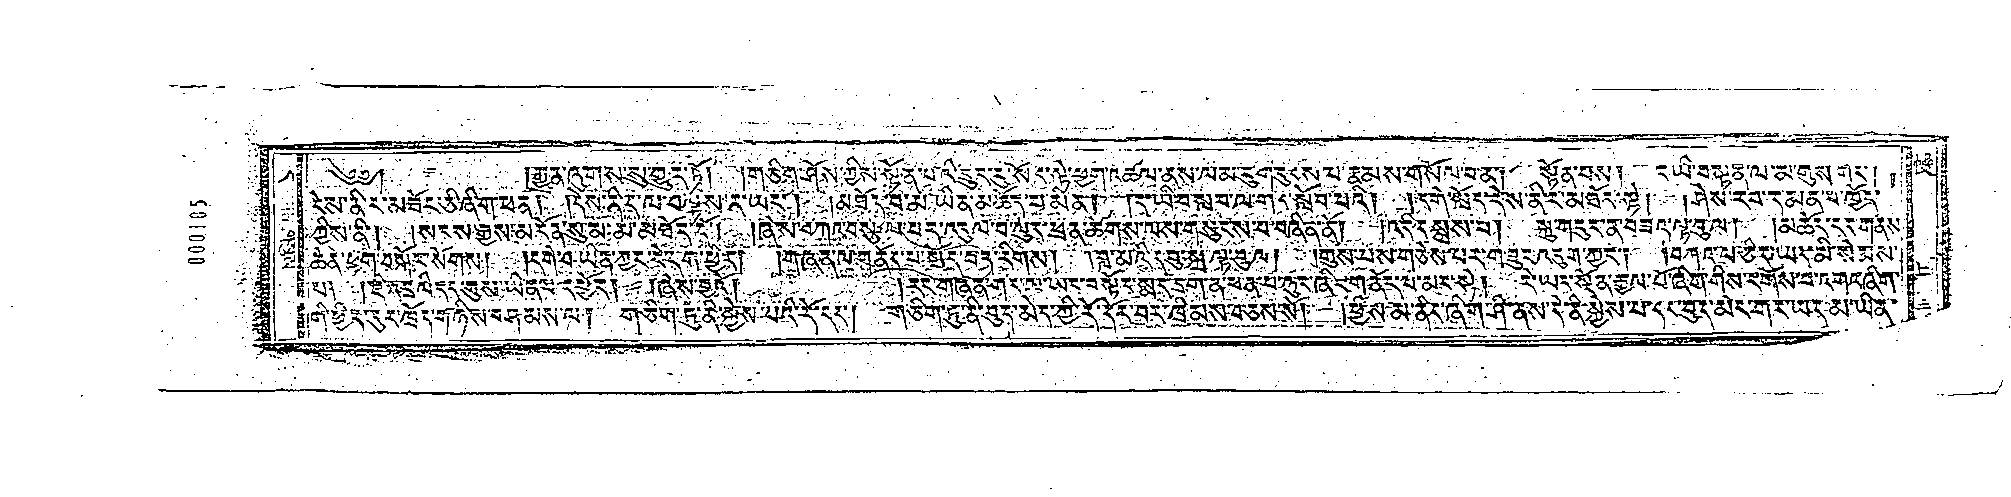༄༅། །རྒྱུན་ཞུགས་སུ་གྱུར་ཏོ། །གཅིག་ཤོས་ཀྱིས་སྟོན་པའི་དྲུང་དུ་སོང་སྟེ་ཕྱག་འཚལ་ནས་ལམ་དུ་གདུངས་པ་རྣམས་གསོལ་བ་ན། སྟོན་པས། ང་ཡི་བསྟན་ལ་མ་གུས་པར།
དེས་ནི་ང་མཐོང་ཅི་ཞིག་ཕན། །དེས་ནི་ང་ལ་བལྟས་ན་ཡང་། །མཐོང་བ་མ་ཡིན་མཆོད་པ་མིན། །ད་ཡི་བསླབ་ལ་གང་སློབ་པའི། །དགེ་སློང་དེས་ནི་ང་མཐོང་སྟེ། །ཤེས་རབ་དམན་པ་ཁྱོད་
ཀྱིས་ནི། །སངས་རྒྱས་མངོན་སུམ་མ་མཐོང་ངོ། །ཞེས་བཀའ་བསྩལ་བར་འདུལ་བ་ལུང་ཕྲན་ཚིགས་ལས་གསུངས་པ་བཞིན་ནོ། །འདིར་སྨྲས་པ། སྐུ་གདུང་ན་བཟའ་ལྟ་བུ་ལ། །མཆོད་དང་གནས་
ཆེན་ཕྱག་བསྐོར་སོགས། །དགེ་བ་ཡིན་ཀྱང་རེ་དག་ཕྱིར། །གཞན་ལ་གནོད་པ་སྤོང་བར་རིགས། །བླ་མའི་དབུ་སྐྲ་ལྟ་བུ་ལ། །གུས་པས་གཅེས་པར་གཟུང་འདུག་ཀྱང་། །བཀའ་ལ་ཅིར་ཡང་མི་སེམས་
པ། །ཇི་འདྲའི་དང་གུས་ཡིན་པ་དཔྱོད། །ཞེས་བྱའོ། །རང་གཞན་གང་ལ་ཡང་བསྟོད་སྨད་དྲག་ན་ཕན་པ་ཉུང་ཞིང་གནོད་པ་མང་སྟེ། དེ་ཡང་སྔོན་རྒྱལ་པོ་ཞིག་གིས་དགོས་པ་འགའ་ཞིག་
གི་ཕྱིར་དུར་ཁྲོད་གཉིས་བཤམས་ལ། གཅིག་ཏུ་ནི་སྐྱེས་པའི་རོ་དང་། གཅིག་ཏུ་ནི་བུད་མེད་ཀྱི་རོ་དོར་བར་ཁྲིམས་བཅས་སོ། །ཕྱིས་མ་ནིང་ཞིག་ཤི་ནས་དེ་ནི་སྐྱེས་པ་དང་བུད་མེད་གང་ཡང་མ་ཡིན་